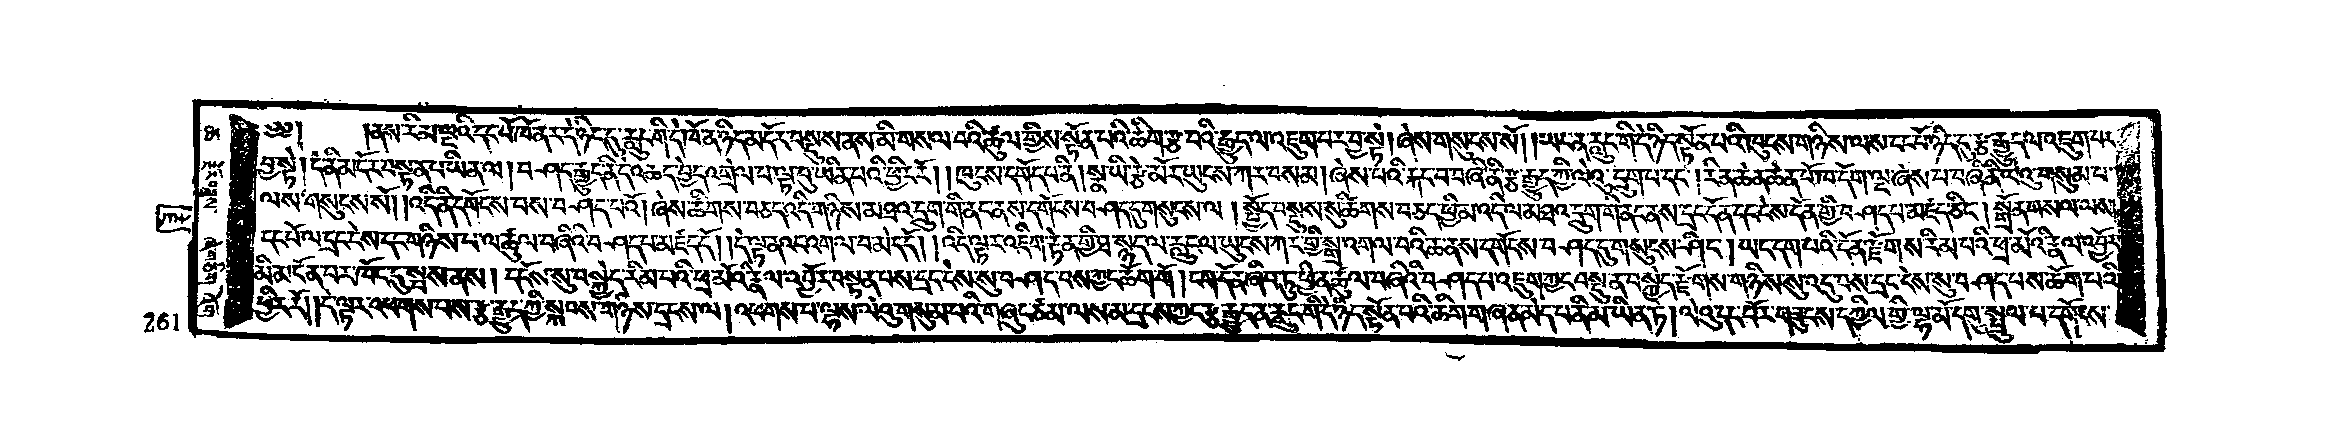༄༅། །ནས་རིམ་ལྔའི་དང་པོ་ཁོ་ནར་དེ་ཉིད་དུ་རླུང་གི་དེ་ཁོ་ན་ཉིད་མདོར་བསྡུས་ནས་མི་གསལ་བའི་ཚུལ་གྱིས་སྟོན་པའི་ཚིག་རྩ་བའི་རྒྱུད་ལ་འཇུག་པར་བྱ་སྟེ། ཞེས་གསུངས་སོ། །ཡང་ན་རླུང་གི་དེ་ཉིད་སྟོན་པའི་ཁུངས་གཉིས་ལས་དང་པོ་ཉིད་དུ་རྩ་རྒྱུད་ལ་འཇུག་པར་
བྱ་སྟེ། དེ་ནི་མདོར་བསྟན་པ་ཡིན་ལ། བཤད་རྒྱུད་ནི་དེ་འཆད་བྱེད་འགྲེལ་པ་ལྟ་བུ་ཡིན་པའི་ཕྱིར་རོ། །ཁུངས་དགོད་པ་ནི། སྣ་ཡི་རྩེ་མོར་ཡུངས་ཀར་བསམ། ཞེས་པའི་རྐང་བ་བཞི་ནི་རྩ་རྒྱུད་ཀྱི་ལེའུ་དྲུག་པ་དང་། རིན་ཆེན་ཆེན་པོ་ཁ་དོག་ལྔ་ཞེས་པ་བཞི་ནི་ལེའུ་གསུམ་པ་
ལས་གསུངས་སོ། །འདི་ནི་དགོངས་པས་བཤད་པའོ། ཞེས་ཚིགས་བཅད་འདི་གཉིས་མཐའ་དྲུག་གི་ནང་ནས་དགོངས་བཤད་དུ་གསུངས་ལ། སྤྱོད་བསྡུས་སུ་ཚིགས་བཅད་ཕྱི་མ་འདི་ལ་མཐའ་དྲུག་གི་ནང་ནས་དྲང་དོན་དང་ངེས་དོན་གྱི་བཤད་པ་མཛད་ཅིང་། སྒྲོན་གསལ་ལས།
དང་པོ་ལ་དྲང་ངེས་དང་གཉིས་པ་ལ་ཚུལ་བཞིའི་བཤད་པ་མཛད་དོ། །དེ་ལྟ་ནའང་འགལ་བ་མེད་དོ། །འདི་ལྟར་འཇིག་རྟེན་གྱི་ཐ་སྙད་ལ་རླུང་ལ་ཡུངས་ཀར་གྱི་སྒྲ་འགལ་བའི་ཆ་ནས་དགོངས་བཤད་དུ་གསུངས་ཤིང་། ཡང་དག་པའི་དོན་རྫོགས་རིམ་པའི་ཕྲ་མོའི་རྣལ་འབྱོར་
མི་མངོན་པར་ཁོང་དུ་སྦས་ནས། དངོས་སུ་བསྐྱེད་རིམ་པའི་ཕྲ་མོའི་རྣལ་འབྱོར་བསྟན་པས་དྲང་ངེས་སུ་བཤད་པས་ཀྱང་ཆོག་གོ །ངག་དོན་ཞིབ་ཏུ་ཕྱེ་ན་ཚུལ་བཞིའི་བཤད་པ་འཇུག་ཀྱང་བསྡུ་ན་བསྐྱེད་རྫོགས་གཉིས་སུ་འདུ་བས་དྲང་ངེས་སུ་བཤད་པས་ཆོག་པའི་
ཕྱིར་རོ། །དེ་ལྟར་འཕགས་པས་རྩ་རྒྱུད་ཀྱི་སྐབས་གཉིས་དྲངས་ལ། འཕགས་པ་ལྷས་ལེའུ་གསུམ་པའི་གཞུང་ཙམ་ལས་མ་དྲངས་ཀྱང་རྩ་རྒྱུད་ན་རླུང་གི་དེ་ཉིད་སྟོན་པའི་ཚིག་གཞན་མེད་པ་ནི་མ་ཡིན་ཏེ། ལེའུ་དང་པོར་གཟུངས་དཀྱིལ་གྱི་ལྷ་མོ་དགུ་སྤྲུལ་པ་དགོངས་